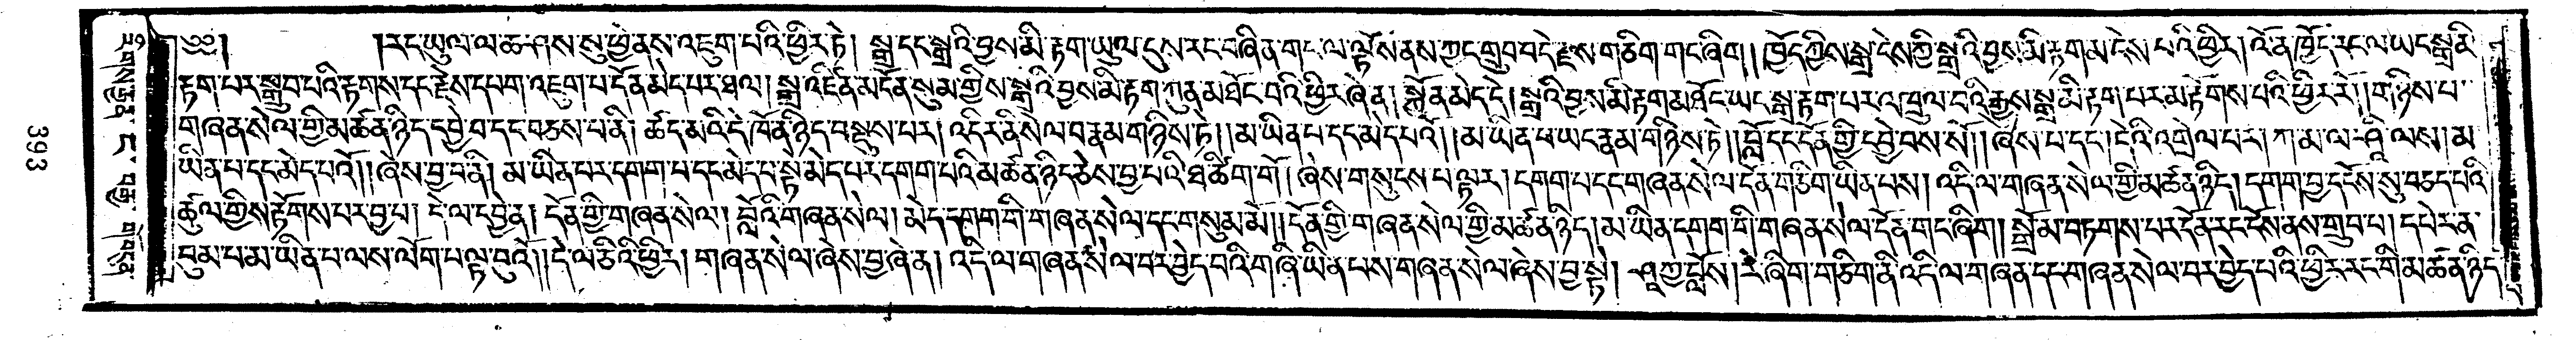༄༅། །རང་ཡུལ་ལ་ཆ་ཤས་སུ་ཕྱེ་ནས་འཇུག་པའི་ཕྱིར་ཏེ། སྒྲ་དང་སྒྲའི་བྱས་མི་རྟག་ཡུལ་དུས་རང་བཞིན་གང་ལ་ལྟོས་ནས་ཀྱང་གྲུབ་བདེ་རྫས་གཅིག་གང་ཞིག །ཁྱོད་ཀྱིས་སྒྲ་ངེས་ཀྱི་སྒྲའི་བྱས་མི་རྟག་མ་ངེས་པའི་ཕྱིར། འོ་ན་ཁྱོད་རང་ལ་ཡང་སྒྲ་མི་
རྟག་པར་སྒྲུབ་པའི་རྟགས་དང་རྗེས་དཔག་འཇུག་པ་དོན་མེད་པར་ཐལ། སྒྲ་འཛིན་མངོན་སུམ་གྱིས་སྒྲའི་བྱས་མི་རྟག་ཀུན་མཐོང་བའི་ཕྱིར་ཞེ་ན། སྐྱོན་མེད་དེ། སྒྲའི་བྱས་མི་རྟག་མཐོང་ཡང་སྒྲ་རྟག་པར་འཁྲུལ་བའི་རྒྱུས་སྒྲ་མི་རྟག་པར་མ་རྟོགས་པའི་ཕྱིར་རོ། །གཉིས་པ་
གཞན་སེལ་གྱི་མཚན་ཉིད་དབྱེ་བ་དང་བཅས་པ་ནི། ཚད་མའི་དེ་ཁོ་ན་ཉིད་བསྡུས་པར། འདིར་ནི་སེལ་བ་རྣམ་གཉིས་ཏེ། །མ་ཡིན་པ་དང་མེད་པའོ། །མ་ཡིན་པ་ཡང་རྣམ་གཉིས་ཏེ། །བློ་དང་དོན་གྱི་དབྱེ་བས་སོ། །ཞེས་པ་དང་། དེའི་འགྲེལ་པར། ཀ་མ་ལ་ཤཱི་ལས། མ་
ཡིན་པ་དང་མེད་པའོ། །ཞེས་བྱ་བ་ནི། མ་ཡིན་པར་དགག་པ་དང་མེད་པ་སྟེ་མེད་པར་དགག་པའི་མཚན་ཉིད་ཅེས་བྱ་བའི་ཐ་ཚིག་གོ །ཞེས་གསུངས་པ་ལྟར། དགག་པ་དང་གཞན་སེལ་དོན་གཅིག་ཡིན་པས། འདི་ལ་གཞན་སེལ་གྱི་མཚན་ཉིད། དགག་བྱ་དངོས་སུ་བཅད་པའི་
ཚུལ་གྱིས་རྟོགས་པར་བྱ་བ། དེ་ལ་དབྱེ་ན། དོན་གྱི་གཞན་སེལ། བློའི་གཞན་སེལ། མེད་དགག་གི་གཞན་སེལ་དང་གསུམ་མོ། །དོན་གྱི་གཞན་སེལ་གྱི་མཚན་ཉིད། མ་ཡིན་དགག་གི་གཞན་སེལ་དོན་གང་ཞིག །སྒྲོ་མ་བཏགས་པར་དོན་རང་ངོས་ནས་གྲུབ་པ། དཔེར་ན་
བུམ་པ་མ་ཡིན་པ་ལས་ལོག་པ་ལྟ་བུའོ། །དེ་ལ་ཅིའི་ཕྱིར། གཞན་སེལ་ཞེས་བྱ་ཞེ་ན། འདི་ལ་གཞན་སེལ་བར་བྱེད་པའི་གཞི་ཡིན་པས་གཞན་སེལ་ཞེས་བྱ་སྟེ། ཤཱཀྱ་བློས། རེ་ཞིག་གཅིག་ནི་འདི་ལ་གཞན་དང་གཞན་སེལ་བར་བྱེད་པའི་ཕྱིར་རང་གི་མཚན་ཉིད་